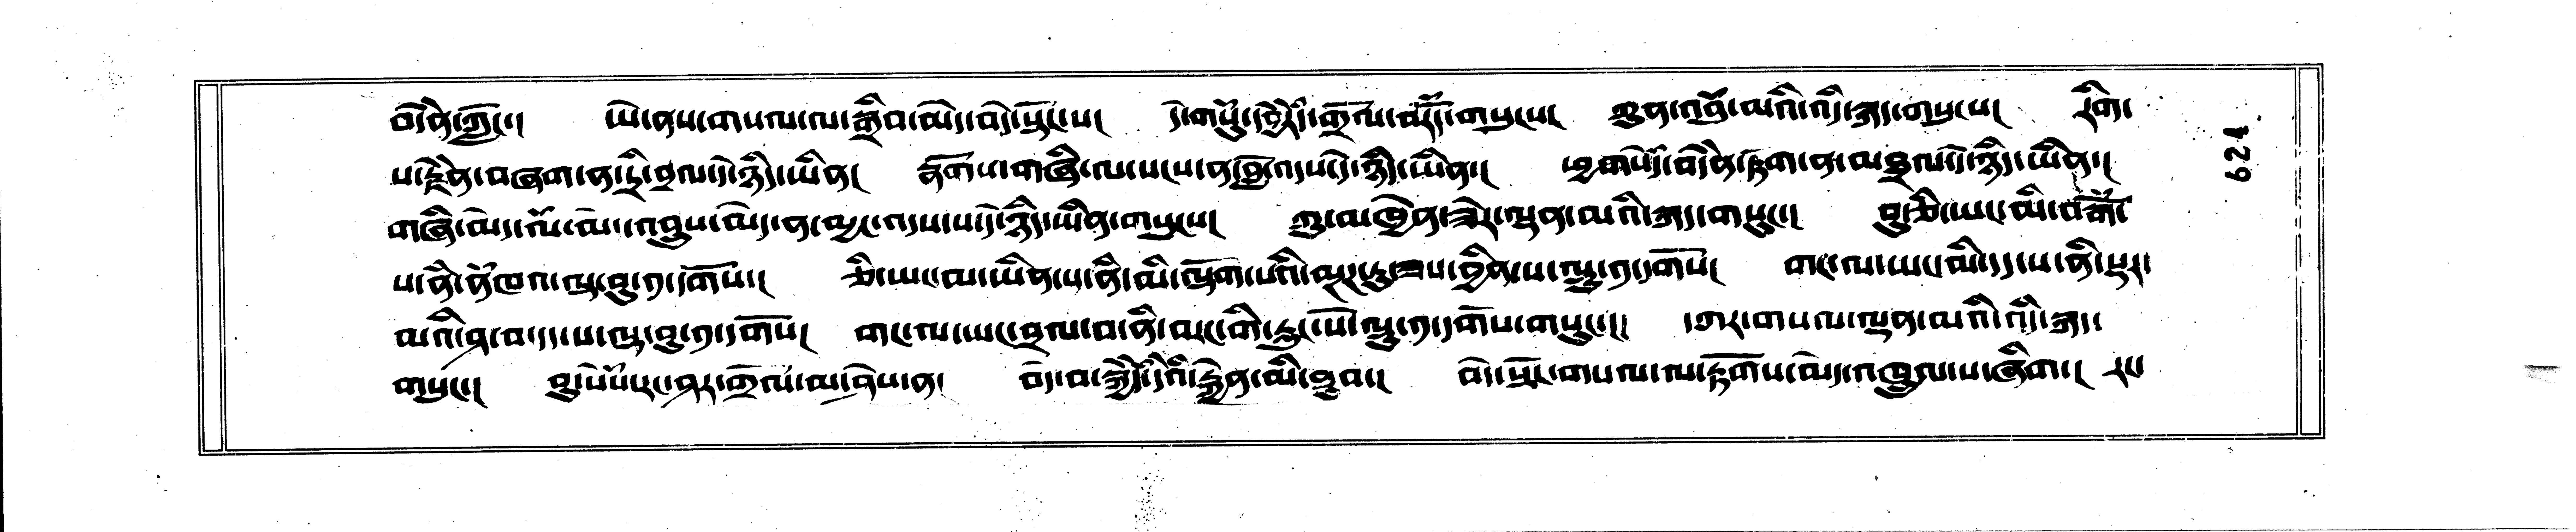བདེ་ཆེན་ཀློང་། ཡེ་ནས་གསལ་ལ་དྲི་མེད་བདེ་སྟོང་ངང་། འདི་གསུམ་དབྱེར་མེད་སེམས་སུ་གྲོལ་བར་མཛོད་གསུངས། ཀུན་འབུམ་ལས་འདི་སྐད་གསུངས། རིག་
པ་རྗེན་ནེ་བཞགས་ན་དྲི་བྲལ་དེ་ཉིད་ཡིན། སྣ་ཚོགས་གཞི་ལ་སངས་ན་བློ་འདས་དེ་ཉིད་ཡིན། ཕྱོགས་མེད་བདེ་ཆེན་རྟོགས་ན་མཐའ་བྲལ་དེ་ཉིད་ཡིན།
 གཞི་མེད་ལམ་མེད་འབྲས་བུ་མེད་༼ན༽མྱང་འདས་དེ་ཉིད་ཡིན་གསུངས། ཀུན་མཁྱེན་ཟེར་ལྡན་མས་འདི་སྐད་གསུངས། བུ་ཅི་ཡང་མི་སྒོམ་
པ་ནི་ནམ་མཁའ་ལྟ་བུ་གཅིག་དགོས། ཅི་ལ་ཡང་མི་ཡེང་པ་ནི་མི་ལྟོག་པའི་ལག་ཏུ་ཟས་ཕྱིན་པ་ལྟ་བུ་གཅིག་དགོས། གང་ལ་ཡང་མི་ཞན་པ་ནི་སྡར་
མ་ཤ་པས་དེད་པ་ལྟ་བུ་གཅིག་དགོས། གང་དང་ཡང་བྲལ་པ་ནི་བར་སྣང་གི་རླུང་པོ་ལྟ་བུ་གཅིག་དགོས་གསུངས། དཀར་གསལ་མདངས་ལྡན་མ་ལ་ཞུས་པས་འདི་སྐད་
གསུངས། བུ་སེམས་རང་ཤར་རང་གྲོལ་མ་ཤེས་ན། བདེ་བ་སྐྱེད་མེད་ཀྱི་རྐྱེན་མི་ཐུབ། བདེ་སྟོང་རྟོག་མེད་གསལ་ལ་འཁྲུལ་པ་ཞིག། རང་